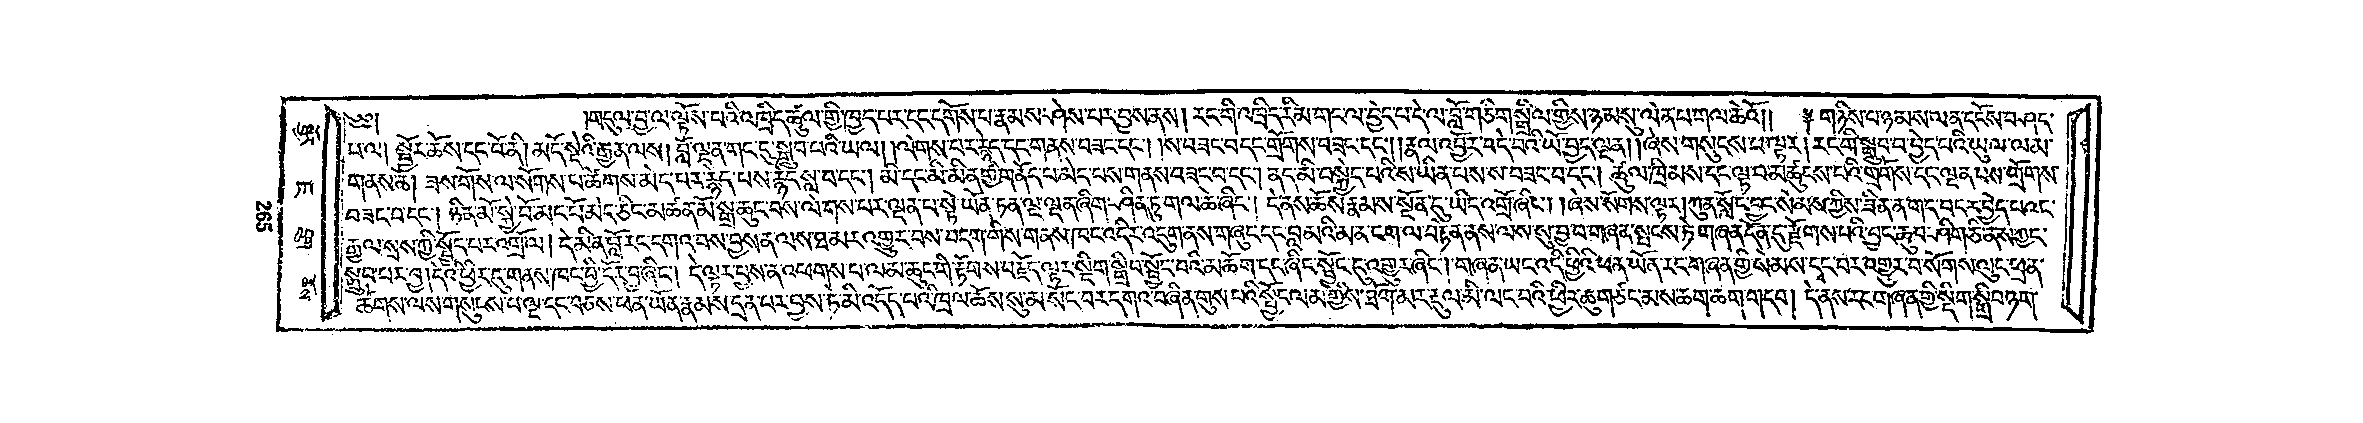༄༅། །གདུལ་བྱ་ལ་ལྟོས་པའི་འཁྲིད་ཚུལ་གྱི་ཁྱད་པར་དང་དགོས་པ་རྣམས་ཤེས་པར་བྱས་ནས། རང་གི་འཁྲིད་རིམ་གང་ལ་བྱེད་པ་དེ་ལ་བློ་གཅིག་སྒྲིལ་གྱིས་ཉམས་སུ་ལེན་པ་གལ་ཆེའོ།། །༈ གཉིས་པ་ཉམས་ལན་དངོས་བཤད་
པ་ལ། སྦྱོར་ཆོས་དང་པོ་ནི། མདོ་སྡེའི་རྒྱན་ལས། བློ་ལྡན་གང་དུ་སྒྲུབ་པའི་ཡལ། །ལེགས་པར་རྙེད་དང་གནས་བཟང་དང་། །ས་བཟང་བ་དང་གྲོགས་བཟང་དང་། །རྣལ་འབྱོར་བདེ་བའི་ཡོ་བྱད་ལྡན། །ཞེས་གསུངས་པ་ལྟར། རང་གི་སྒྲུབ་པ་བྱེད་པའི་ཡུལ་ལམ་
གནས་ཆེ། ཟས་གོས་ལ་སོགས་པ་ཚེགས་མེད་པར་རྙེད་པས་རྙེད་སླ་བ་དང་། མི་དང་མི་མིན་གྱི་གནོད་པ་མེད་པས་གནས་བཟང་བ་དང་། ནད་མི་བསྐྱེད་པའི་ས་ཡིན་པས་ས་བཟང་བ་དང་། ཚུལ་ཁྲིམས་དང་ལྟ་བ་མཚུངས་པའི་གྲོགས་དང་ལྡན་པས་གྲོགས་
བཟང་བ་དང་། ཉིན་མོ་སྐྱེ་བོ་མང་པོ་མེད་ཅིང་མཚན་མོ་སྒྲ་ཆུང་བས་ལེགས་པར་ལྡན་པ་སྟེ་ཡོན་ཏན་ལྔ་ལྡན་ཞིག་ཤིན་ཏུ་གལ་ཆེ་ཞིང་། དེ་ནས་ཆོས་རྣམས་སྔོན་དུ་ཡིད་འགྲོ་ཞིང་། །ཞེས་སོགས་ལྟར། ཀུན་སློང་བྱང་སེམས་ཀྱིས་ཟིན་ན་གད་བདར་བྱེད་པའང་
རྒྱལ་སྲས་ཀྱི་སྤྱོད་པར་འགྲོ་ལ། དེ་མིན་བློ་རང་དགའ་བས་བྱས་ན་ལས་ཐ་མར་འགྱུར་བས་བདག་གིས་གནས་ཁང་འདིར་འདུག་ནས་གཞུང་དང་བླ་མའི་མན་ངག་ལ་བརྟེན་ནས་ལས་སུ་བྱ་བ་གཞན་སྤངས་ཏེ་གཞན་དོན་དུ་རྫོགས་པའི་བྱང་ཆུབ་ཤིག་ཅི་ནས་ཀྱང་
སྒྲུབ་པར་བྱ། དེའི་ཕྱིར་དུ་གནས་ཁང་བྱི་དོར་བྱ་ཞིང་། དེ་ལྟར་བྱས་ན་འཕགས་པ་ལམ་ཆུང་གི་རྟོགས་བརྗོད་ལྟར་སྡིག་སྒྲིབ་སྦྱོང་བའི་མཆོག་དང་ཞིང་སྦྱོང་དུ་འགྱུར་ཞིང་། གཞན་ཡང་འདི་ཕྱིའི་ཕན་ཡོན་རང་གཞན་གྱི་སེམས་དྭང་བར་འགྱུར་བ་སོགས་ལུང་ཕྲན་
ཚོགས་ལས་གསུངས་པ་ལྔ་དང་བཅས་ཕན་ཡོན་རྣམས་དྲན་པར་བྱས་ཏེ་མི་འདོད་པའི་ཁྲལ་ཆོས་སུ་མ་སོང་བར་དགའ་བཞིན་གུས་པའི་སྤྱོད་ལམ་གྱིས་ཐོག་མར་རྡུལ་མི་ལང་བའི་ཕྱིར་ཆུ་གཙང་མས་ཆག་ཆག་གདབ། དེ་ནས་རང་གཞན་གྱི་སྡིག་སྒྲིབ་ཉག་